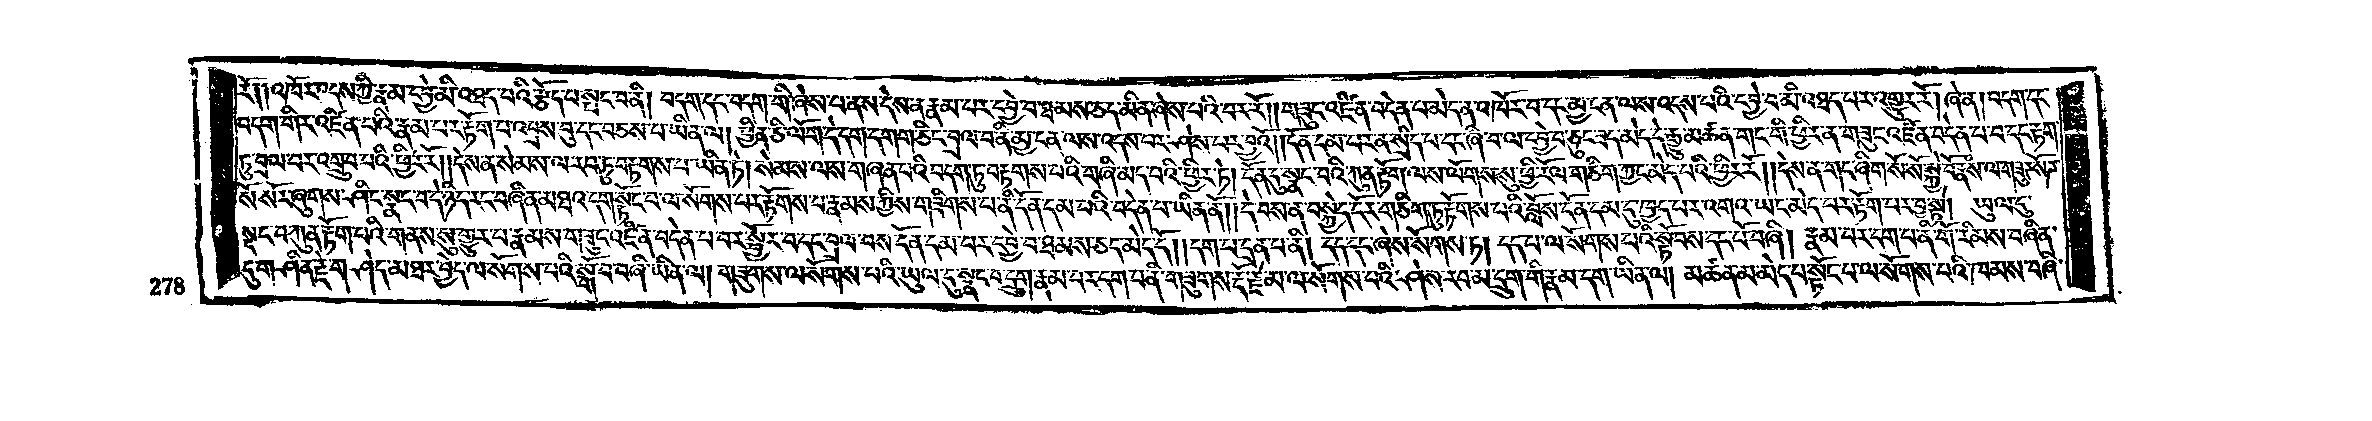རོ། །འཁོར་འདས་ཀྱི་རྣམ་དབྱེ་མི་འཐད་པའི་རྩོད་པ་སྤང་བ་ནི། བདག་དང་བདག་གི་ཞེས་པ་ནས་དེས་ན་རྣམ་པར་དབྱེ་བ་ཐམས་ཅད་མིན་ཞེས་པའི་བར་རོ། །གཟུང་འཛིན་བདེན་པ་མེད་ན་འཁོར་བ་དང་མྱ་ངན་ལས་འདས་པའི་དབྱེ་བ་མི་འཐད་པར་འགྱུར་རོ། ཞེ་ན། བདག་དང་
བདག་གིར་འཛིན་པའི་རྣམ་པར་རྟོག་པ་འབྲས་བུ་དང་བཅས་པ་ཡིན་ལ། ཕྱིན་ཅི་ལོག་དེ་དག་དགག་ཅིང་བྲལ་བ་ནི་མྱ་ངན་ལས་འདས་པར་ཤེས་པར་བྱའོ། །དོན་དམ་པར་ན་སྲིད་པ་དང་ཞི་བ་ལ་དབྱེ་བ་ཅུང་ཟད་མེད་དེ་རྒྱུ་མཚན་གང་གི་ཕྱིར་ན་གཟུང་འཛིན་བདེན་པ་བ་དང་རྟག་
ཏུ་བྲལ་བར་འགྲུབ་པའི་ཕྱིར་རོ། །དེས་ན་སེམས་ལ་རབ་ཏུ་བརྟགས་པ་ཡིན་ཏེ། སེམས་ལས་གཞན་པའི་བདག་ཏུ་བརྟགས་པའི་གཞི་མེད་པའི་ཕྱིར་ཏེ། དོན་དུ་སྣང་བའི་ཀུན་རྟོག་ལས་ལོགས་སུ་ཕྱི་རོལ་གཅིག་ཀྱང་མེད་པའི་ཕྱིར་རོ། །དེས་ན་གང་ཞིག་སོ་སོ་སྐྱེ་བོ་རྣམས་ལ་གཟུགས་སོགས་
སོ་སོར་ཞུགས་ཤིང་སྣང་བ་དེ་ཉིད་རང་བཞིན་མཐའ་དག་སྟོང་པ་ལ་སོགས་པར་རྟོགས་པ་རྣམས་ཀྱིས་གཟིགས་པ་ནི་དོན་དམ་པའི་བདེན་པ་ཡིན་ནོ། །དེ་བས་ན་བསྐྱེད་དོར་གཅིག་ཏུ་རྟོགས་པའི་བློས་དོན་དམ་དུ་ཁྱད་པར་འགའ་ཡང་མེད་པར་རྟོག་པར་བྱ་སྟེ། ཡུལ་དུ་
སྡང་བ་ཀུན་རྟོག་པའི་གནས་སུ་གྱུར་པ་རྣམས་གཟུང་འཛིན་བདེན་པ་བར་སྦྱོར་བ་དང་བྲལ་བས་དོན་དམ་པར་དབྱེ་བ་ཐམས་ཅད་མེད་དོ། །དག་པ་དྲན་པ་ནི། དད་དང་ཞེས་སོགས་ཏེ། དད་པ་ལ་སོགས་པའི་སྟོབས་དང་པོ་བཞི། རྣམ་པར་དག་པ་ནི་གོ་རིམས་བཞིན་
དུ་གཤིན་རྗེ་གཤེད་མཐར་བྱེད་ལ་སོགས་པའི་སྒོ་བ་བཞི་ཡིན་ལ། གཟུགས་ལ་སོགས་པའི་ཡུལ་དུ་སྣང་བ་དྲུག་རྣམ་པར་དག་པ་ནི་གཟུགས་རྡོ་རྗེ་མ་ལ་སོགས་པའི་ཤེས་རབ་མ་དྲུག་གི་རྣམ་དག་ཡིན་ལ། མཚན་མ་མེད་པ་སྟོང་པ་ལ་སོགས་པའི་ཁམས་བཞི་